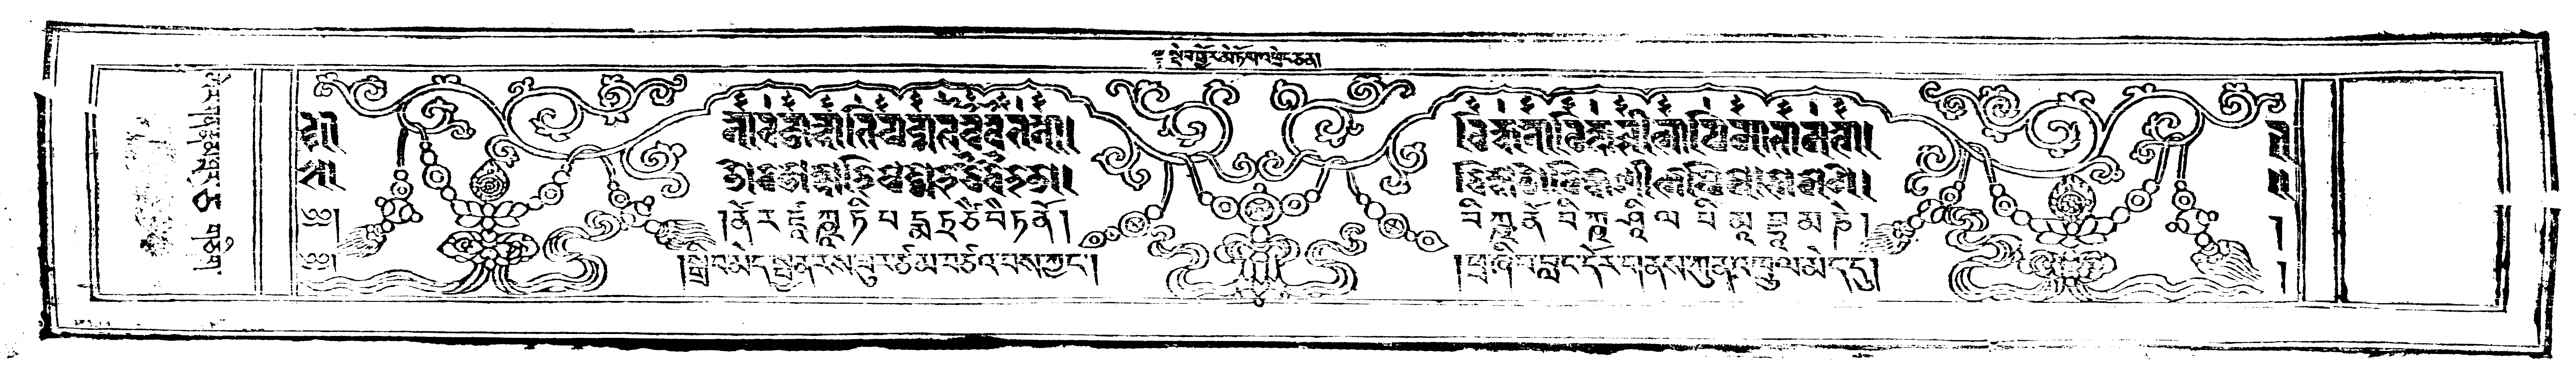༄༅། །ནོ་ར་ཛཱ་ཀྵཱ་ཏི་པ་དམ་ཏྲ་ཙཻ་བཻ་ཏ་ནོ། བི་ཀྵཱ་ནོ་བི་ཀྵ་ཤཱི་ཡ་བི་མཱ་བྷཱ་མ་ཎེ།
༄༅། །སྒྲིབ་མེད་སྦྱན་རས་ཟུར་ཙམ་བཙའ་བས་ཀྱང་། །ཕྲ་ཞི་བ་བླང་དོར་གནས་ཀུན་འཁྲུལ་མེད་དུ།